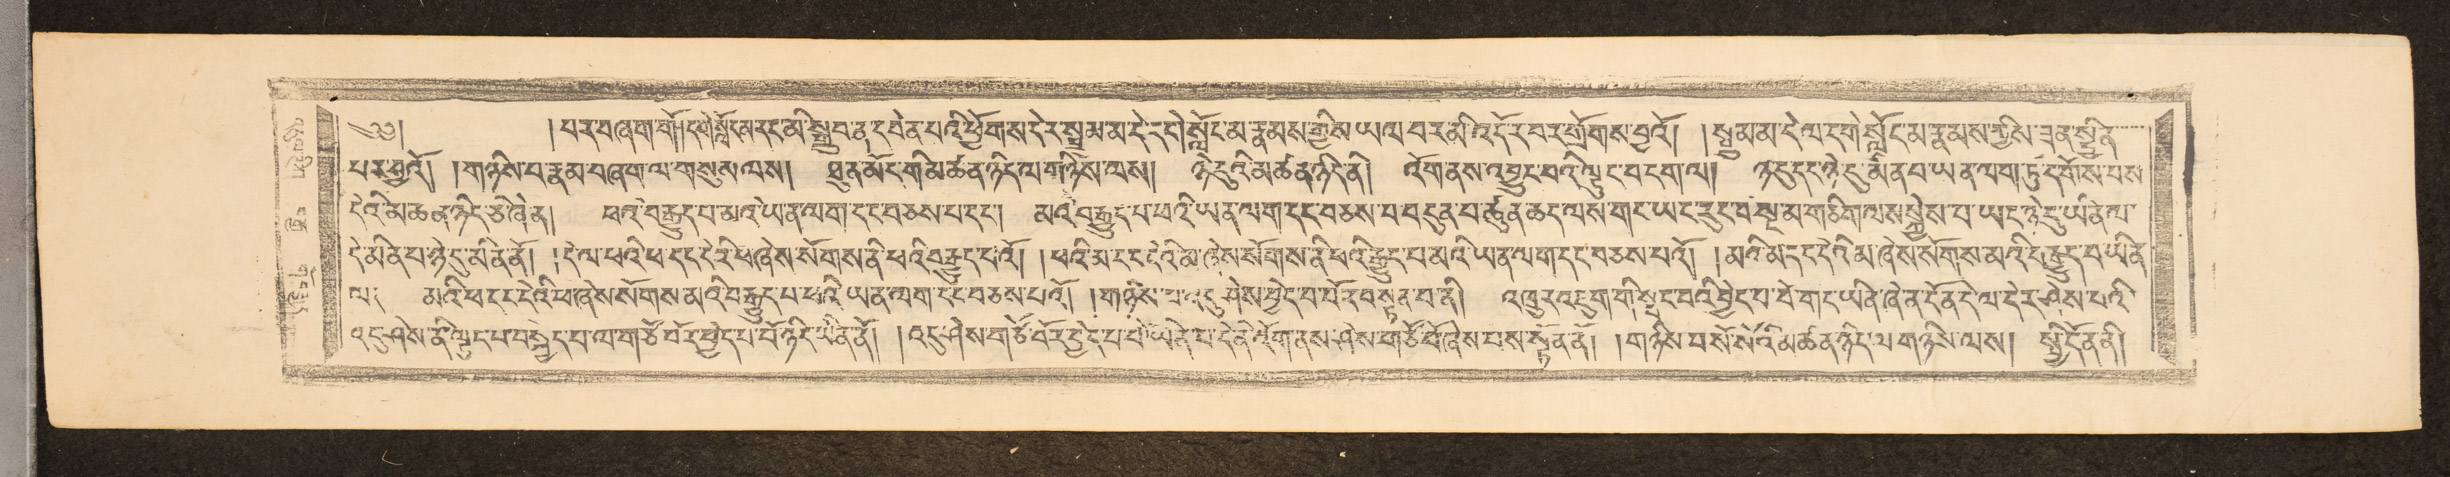༄༅། །པར་བཞག་གོ །དགེ་སློང་མ་རང་མི་སྒྲུབ་ན་དབེན་པའི་ཕྱོགས་དེར་སྦྲུམ་མ་དེ་དགེ་སློང་མ་རྣམས་ཀྱིས་ཡལ་བར་མི་འདོར་བར་གྲོགས་བྱའོ། །སྦྲུམ་མ་དེ་ལ་དགེ་སློང་མ་རྣམས་ཀྱིས་ཟན་སྦྱིན་
པར་བྱའོ། །གཉིས་པ་རྣམ་བཞག་ལ་གསུམ་ལས། ཐུན་མོང་གི་མཚན་ཉིད་ལ་གཉིས་ལས། ཉེ་དུའི་མཚན་ཉིད་ནི། འོག་ནས་འབྱུང་བའི་ལྟུང་བ་དག་ལ། ཉེ་དུ་དང་ཉེ་དུ་མིན་པ་ཡན་ལག་ཏུ་དགོས་པས་
དེའི་མཚན་ཉིད་ཅི་ཞེ་ན། ཕའི་བརྒྱུད་པ་མའི་ཡན་ལག་དང་བཅས་པ་དང་། མའི་བརྒྱུད་པ་པའི་ཡན་ལག་དང་བཅས་པ་བདུན་པ་ཚུན་ཆད་ལས་གང་ཡང་རུང་བ་སྔ་མ་གཅིག་ལས་སྐྱེས་པ་ཡང་ཉེ་དུ་ཡིན་ལ་
དེ་མིན་པ་ཉེ་དུ་མིན་ནོ། །དེ་ལ་ཕའི་ཕ་དང་དེའི་ཕ་ཞེས་སོགས་ནི་ཕའི་བརྒྱུད་པའོ། །ཕའི་མ་དང་དེའི་མ་ཞེས་སོགས་ནི་ཕའི་རྒྱུད་པ་མའི་ཡན་ལག་དང་བཅས་པའོ། །མའི་མདང་དེའི་མ་ཞེས་སོགས་མའི་བརྒྱུད་པ་ཡིན་
ལ༑ མའི་ཕ་དང་དེའི་ཕ་ཞེས་སོགས་མའི་བརྒྱུད་པ་ཕའི་ཡན་ལག་དང་བཅས་པའོ། །གཉིས་པ་འདུ་ཤེས་བྱེད་པ་པོར་བསྟན་པ་ནི། འཁྲུར་འཇུག་གི་སྤང་བའི་བྱེད་པ་པོ་གང་ཡིན་ཞེ་ན་ངོན་དེ་ལ་དེར་ཤེས་པའི་
འདུ་ཤེས་ནི་ལྟུང་བ་བསྐྱེད་པ་ལ་གཙོ་བོར་བྱེད་པ་པོ་ཉིད་ཡིན་ནོ། །འདུ་ཤེས་གཙོ་བོར་བྱེད་པ་པོ་ཡིན་པ་དེ་ནི་འོག་ནས་ཤེས་གཙོ་བོ་ཞེས་པས་སྟོན་ནོ། །གཉིས་པ་སོ་སོའི་མཚན་ཉིད་ལ་གཉིས་ལས། སྤྱི་དོན་ནི།